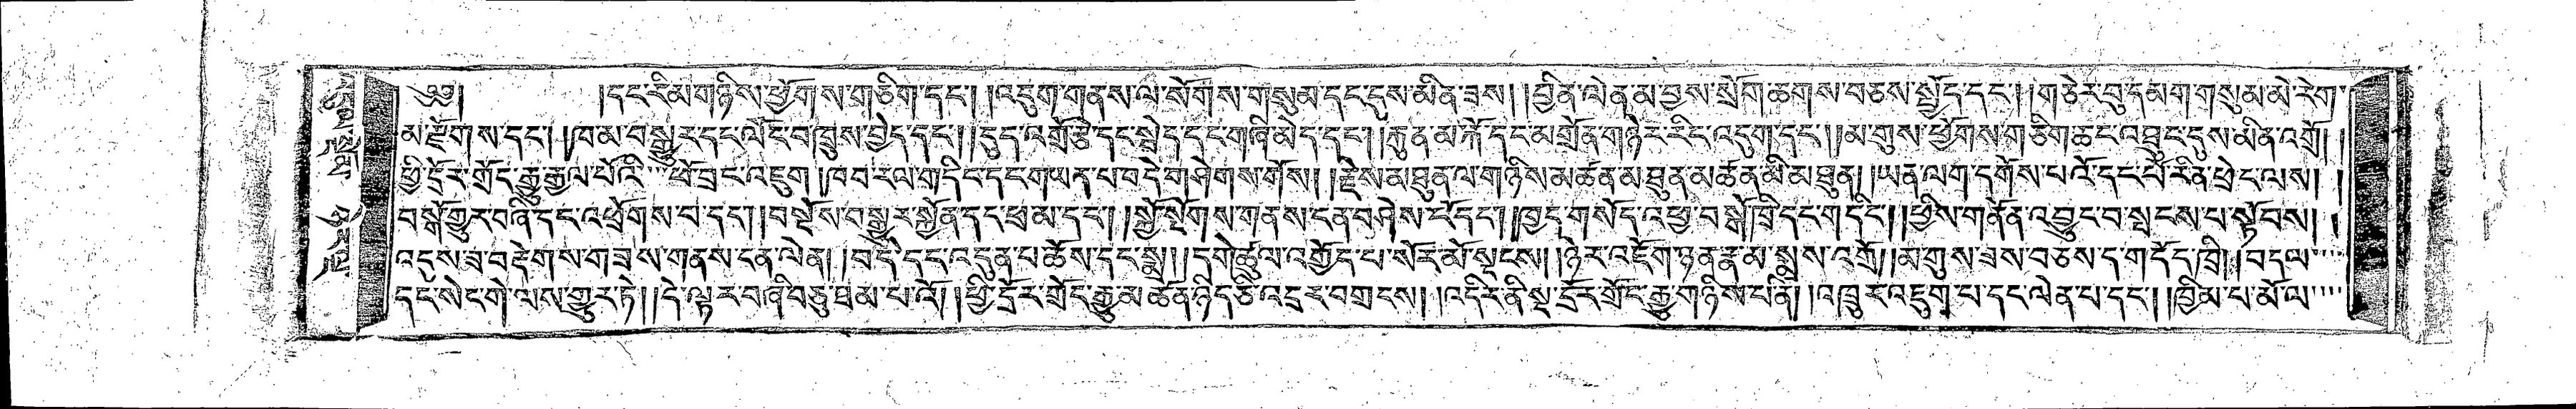༄༅། །དང་རིམ་གཉིས་ཕྱོགས་གཅིག་དང་། །འདུག་གནས་ལ་སོགས་གསུམ་དང་དུས་མིན་ཟས། །བྱིན་ལེན་མ་བྱས་སྲོག་ཆགས་བཅས་སྤྱོད་དང་། །གཅེར་བུ་དམག་གསུམ་མེ་རེག་
མ་རྫོགས་དང་། །ཁ་མ་བསྒྱུར་དང་ལོང་བ་ཁྲུས་བྱེད་དང་། །དུད་འགྲོ་རྩེ་དང་སྦེད་དང་གཞི་མེད་དང་། །རྐུན་མ་རྐོ་དང་མགྲོན་གཉེར་རིང་འདུག་དང་། །མ་གུས་ཕྱོགས་གཅིག་ཆང་འཐུང་དུས་མིན་འགྲོ། །
ཕྱི་དྲོར་གྲོང་རྒྱུ་རྒྱལ་པོའི་ཕོ་བྲང་འཇུག །ཁབ་རལ་གདིང་དང་གཡན་པ་བདེ་གཤེགས་གོས། །རྗེས་མཐུན་ལ་གཉིས་མཚན་མཐུན་མཚན་མི་མཐུན། །ཡན་ལག་དགོས་པའོ་དང་པོ་རིན་ཕྲེང་ལས། །
བསྒོ་གྱུར་བཞི་དང་འཕྲོགས་པ་དང་། །བསྔོས་བསྒྱུར་སྐྱོན་དང་ཕྲ་མ་དང་། །སྐྱོ་སྡོགས་གནས་ངན་བཤེས་ངོ་དང་། །ཁྱད་གསོད་འཕྱ་བསྒོ་ཁྲི་དང་གདིང་། །ཕྱིས་གནོན་འབྱུང་བ་སྤངས་པ་སྟོབས། །
འདུས་ཟ་བརྡེགས་གཟས་གནས་ངན་ལེན། །བདེ་དང་འདུན་པ་ཆོས་དང་སྨྲ། །དགེ་ཚུལ་འགྱོད་པ་སོར་མོ་སྔངས། །ཉེར་འཇོག་ཉན་རྣ་མ་སྨྲས་འགྲོ། །མ་གུས་ཟས་བཅས་ད་གདོང་ཁྲི། །བདལ་
དང་སེང་གེ་ལས་གྱུར་ཏེ། །དེ་ལྟར་བཞི་བཅུ་ཐམ་པ་འོ། །ཕྱི་དྲོར་གྲོང་རྒྱུ་མཚན་ཉིད་ཅི་འདྲར་བགྲངས། །འདིར་ནི་སྔ་དྲོར་གྲོང་རྒྱུ་གཉིས་པ་ནི། །འཁྲུར་འཇུག་པ་དང་ལེན་པ་དང་། །ཁྱིམ་པ་མོ་ལ་